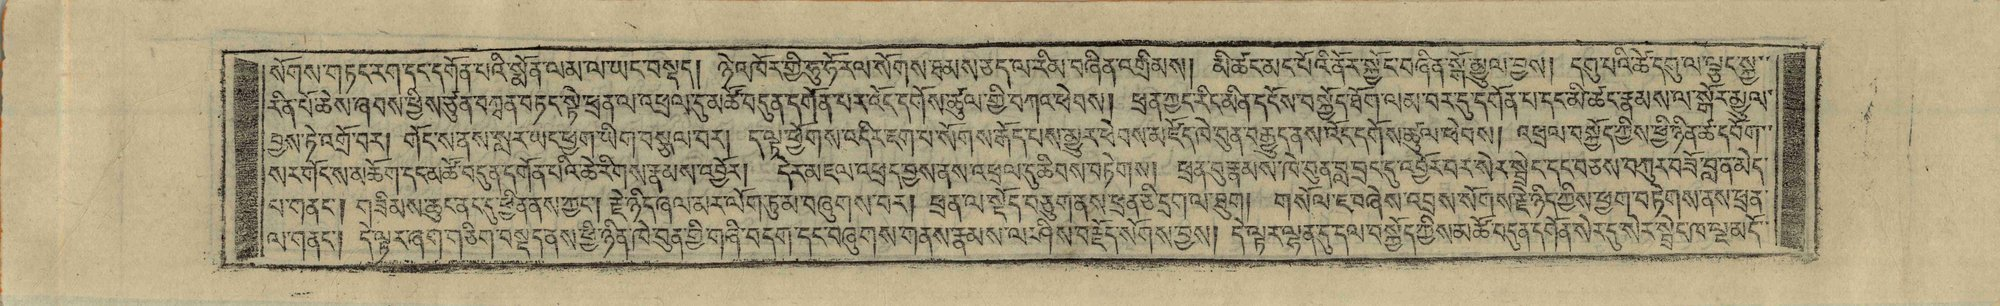སོགས་གཏང་རག་དང་དགོན་པའི་སྨོན་ལམ་ལ་ཡང་བསྡད། ཉེ་འཁོར་གྱི་ཧུ་ཧོ་རལ་སོགས་ཐམས་ཅད་ལ་རིམ་བཞིན་འགྲིམས། མི་ཚང་མང་པོའི་ནོར་སྐྱོང་བཞིན་སྒོ་མྱུལ་བྱས། དགུ་པའི་ཚེ་དགུ་ལ་ལྕང་སྐྱ་
རིན་པོ་ཆེས་ཞབས་ཕྱིས་ཙུན་བཀྭན་བཏང་སྟེ་ཕྲན་ལ་འཕྲལ་དུ་མཚོ་བདུན་དགོན་པར་འོང་དགོས་ཚུལ་གྱི་བཀའ་ཕེབས། ཕྲན་ཀྱང་རིང་མིན་དངོས་བསྐྱོད་ཐོག་ལམ་བར་དུ་དགོན་པ་དང་མི་ཚང་རྣམས་ལ་སྒོར་མྱུལ་
བྱས་ཏེ་འགྲོ་བར། གོང་ས་ནས་སླར་ཡང་ཕྱག་ཡིག་བསྩལ་བར། ད་ལྟ་ཕྱོགས་འདིར་ཇག་པ་སོགས་རྒོད་པས་མྱུར་ཕེབས་མཛོད་ཁེ་བུན་བརྒྱུད་ནས་འོང་དགོས་ཚུལ་ཕེབས། འཕྲལ་བསྐྱོད་ཀྱིས་ཕྱི་ཉིན་ཚ་དབོག་
སར་གོང་ས་མཆོག་དང་མཚོ་བདུན་དགོན་པའི་ཆེ་རིགས་རྣམས་འབྱོར། དེར་མཇལ་འཕྲད་བྱས་ནས་འཕྲལ་དུ་ཆིབས་བཏེགས། ཕྲན་བུ་རྣམས་ཁེ་བུན་བླ་བྲང་དུ་འབྱོར་བར་སེར་སྦྲེང་དང་བཅས་བཀུར་བཟོ་བླ་ན་མེད་
པ་གནང་། གཟིམས་ཆུང་ནང་དུ་ཕྱིན་ནས་ཀྱང་། རྗེ་ཉིད་ཞལ་མར་ལོག་ཏུ་མ་བཞུགས་བར། ཕྲན་ལ་སྡོད་བཅུག་ནས་ཕྲན་ཅི་དྲག་ལ་ཐུག །གསོལ་ཇ་བཞེས་འབྲས་སོགས་རྗེ་ཉིད་ཀྱིས་ཕྱག་བཏེགས་ནས་ཕྲན་
ལ་གནང་། དེ་ལྟར་ཞག་གཅིག་བསྡད་ནས་ཕྱི་ཉིན་ཁེ་བུན་གྱི་གཞི་བདག་དང་བཞུགས་གནས་རྣམས་ལ་ཤིས་བརྗོད་སོགས་བྱས། དེ་ལྟར་ལྷན་དུ་དལ་བསྐྱོད་ཀྱིས་མཚོ་བདུན་དགོན་སེར་དུ་སེར་སྦྲེང་ཁ་ལྔ་མདོ་